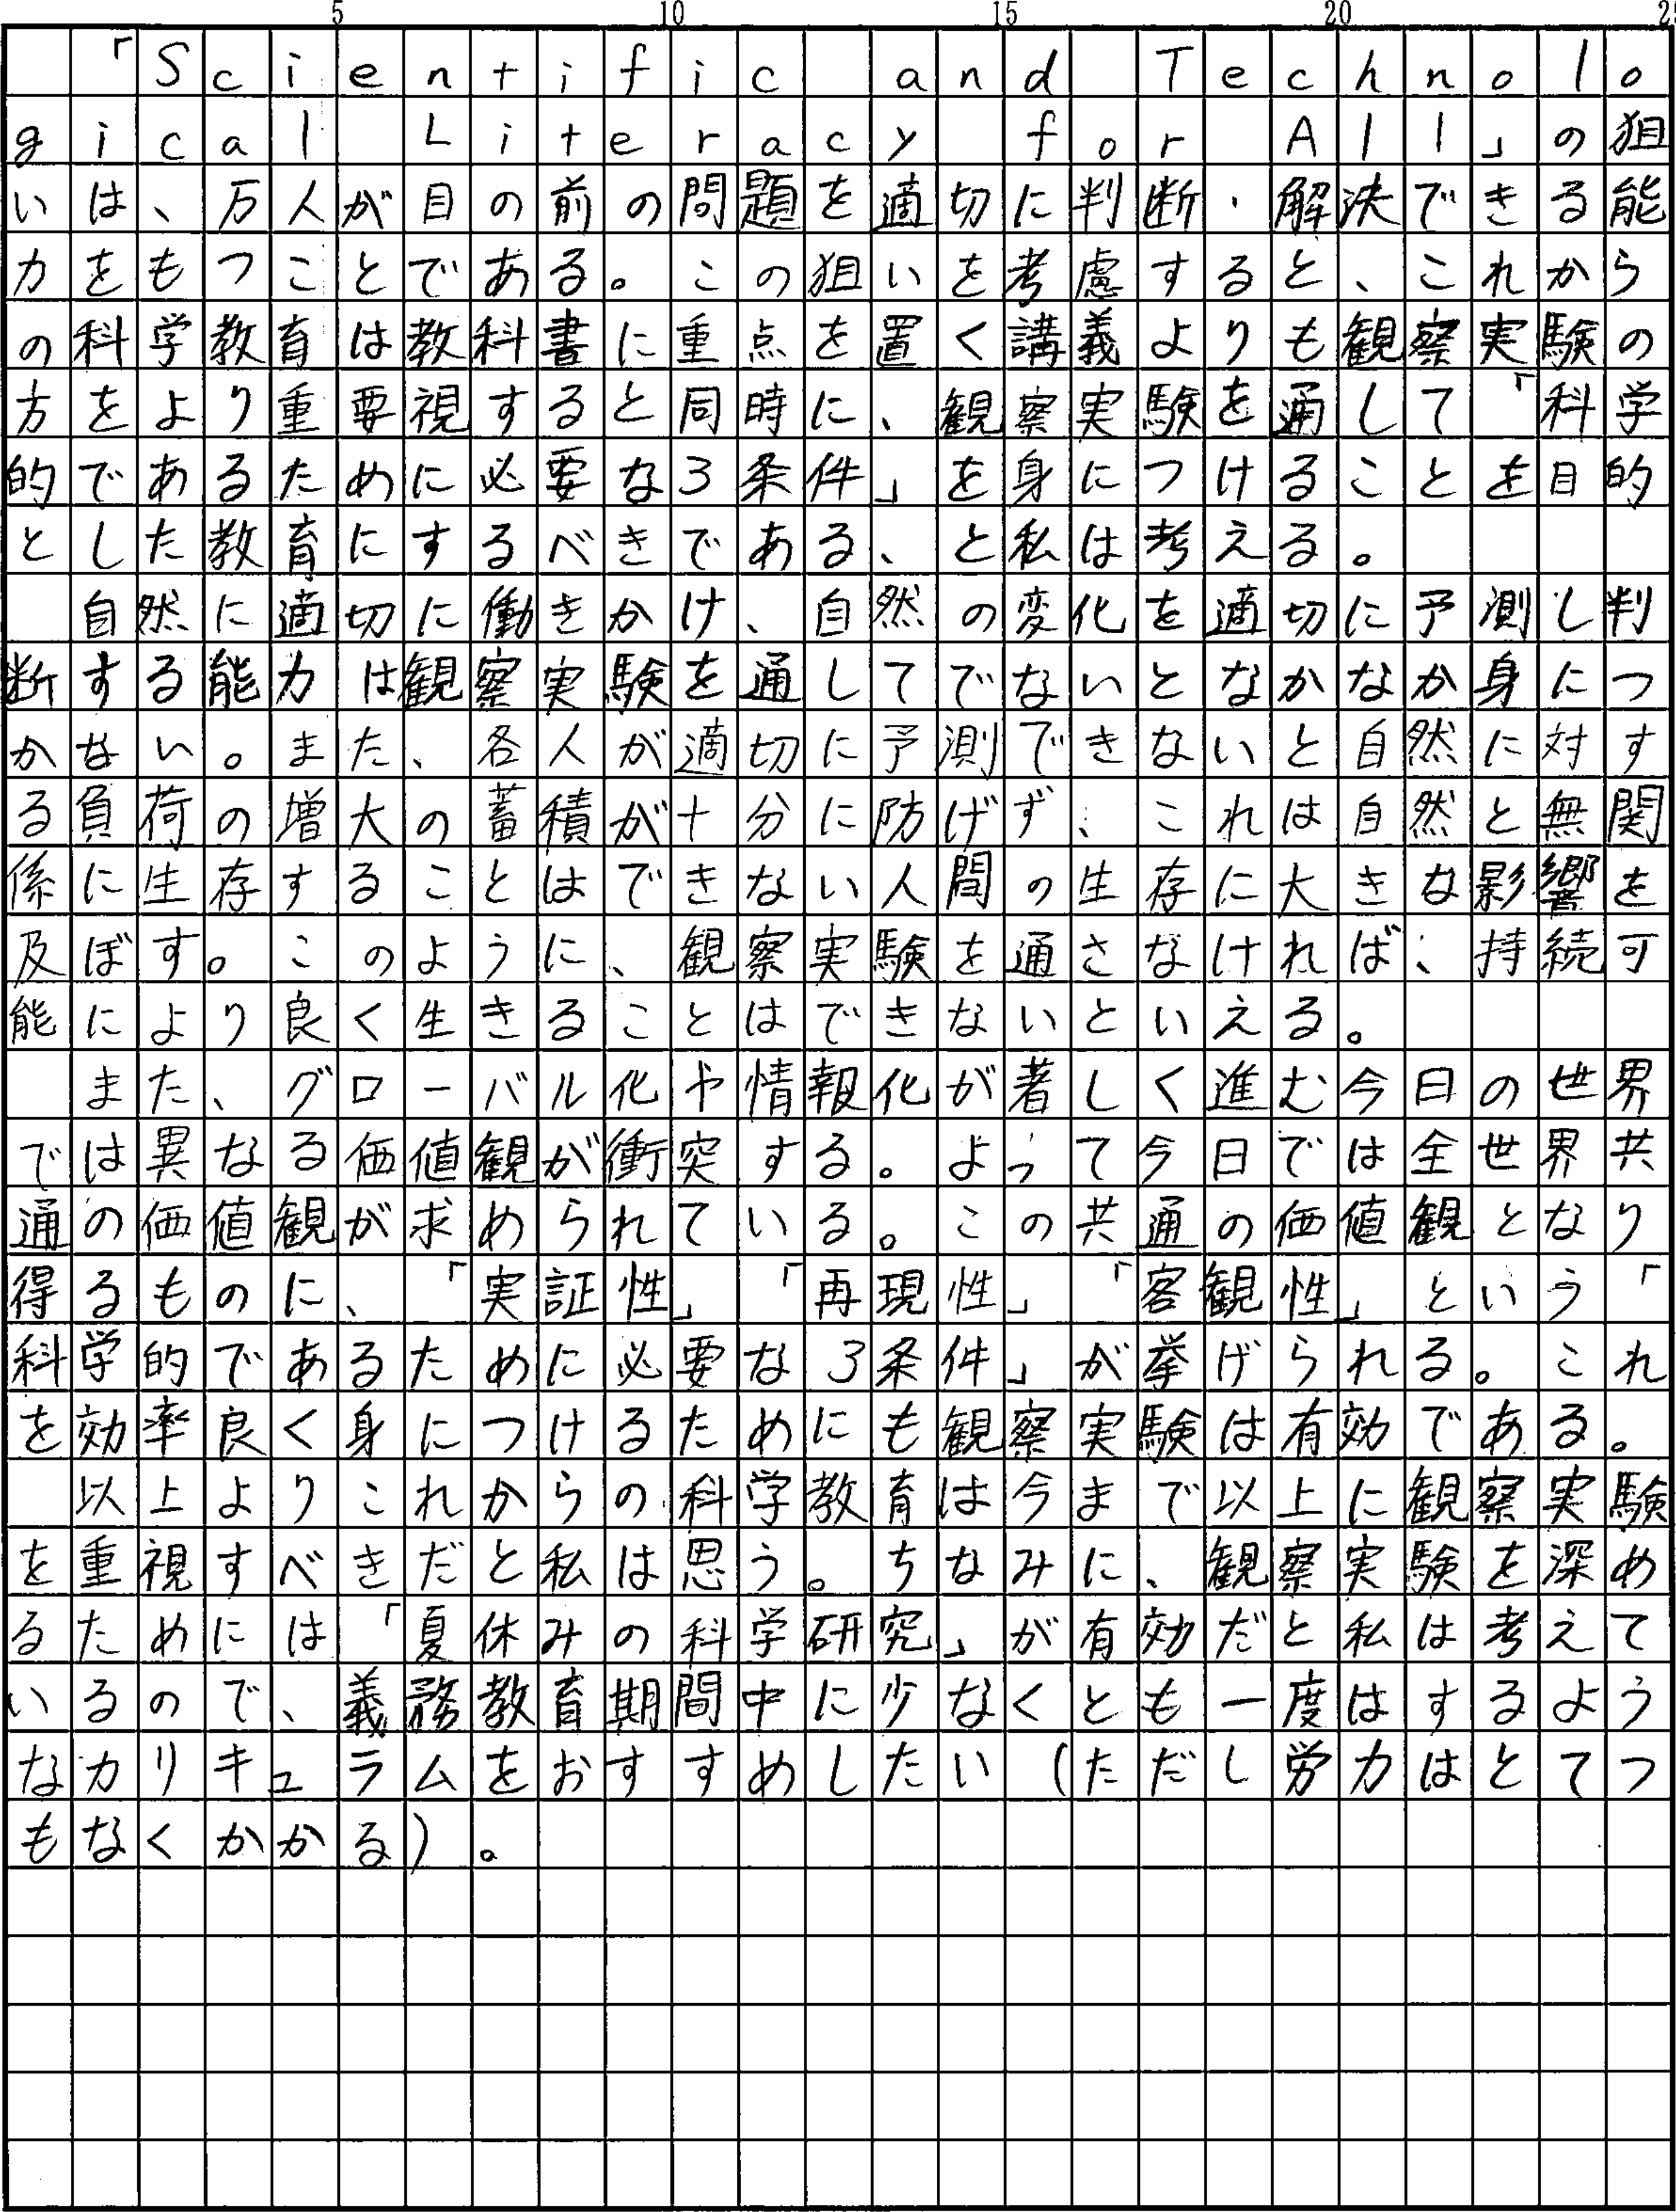　「Ｓｃｉｅｎｔｉｆｉｃ　ａｎｄ　Ｔｅｃｈｎｏｌｏｇｉｃａｌ　Ｌｉｔｅｒａｃｙ　ｆｏｒ　Ａｌｌ」の狙いは、万人が目の前の問題を適切に判断・解決できる能力をもつことである。この狙いを考慮すると、これからの科学教育は教科書に重点を置く講義よりも観察実験の方をより重要視すると同時に、観察実験を通して「科学的であるために必要な３条件」を身につけることを目的とした教育にすべきである、と私は考える。
　自然に適切に働きかけ、自然の変化を適切に予測し判断する能力は観察実験を通してでないとなかなか身につかない。また、各人が適切に予測できないと自然に対する負荷の増大の蓄積が十分に防げず、これは自然と無関係に生存することはできない人間の生存に大きな影響を及ぼす。このように、観察実験を通さなければ、持続可能により良く生きることはできないといえる。
　また、グローバル化や情報化が著しく進む今日の世界では異なる価値観が衝突する。よって今日では全世界共通の価値観が求められている。この共通の価値観となり得るものに、「実証性」「再現性」「客観性」という「科学的であるために必要な３条件」が挙げられる。これを効率良く身につけるためにも観察実験は有効である。
　以上よりこれからの科学教育は今まで以上に観察実験を重視すべきだと私は思う。ちなみに、観察実験を深めるためには「夏休みの科学研究」が有効だと私は考えているので、義務教育期間中に少なくとも一度はするようなカリキュラムをおすすめしたい（ただし労力はとてつもなくかかる）。
